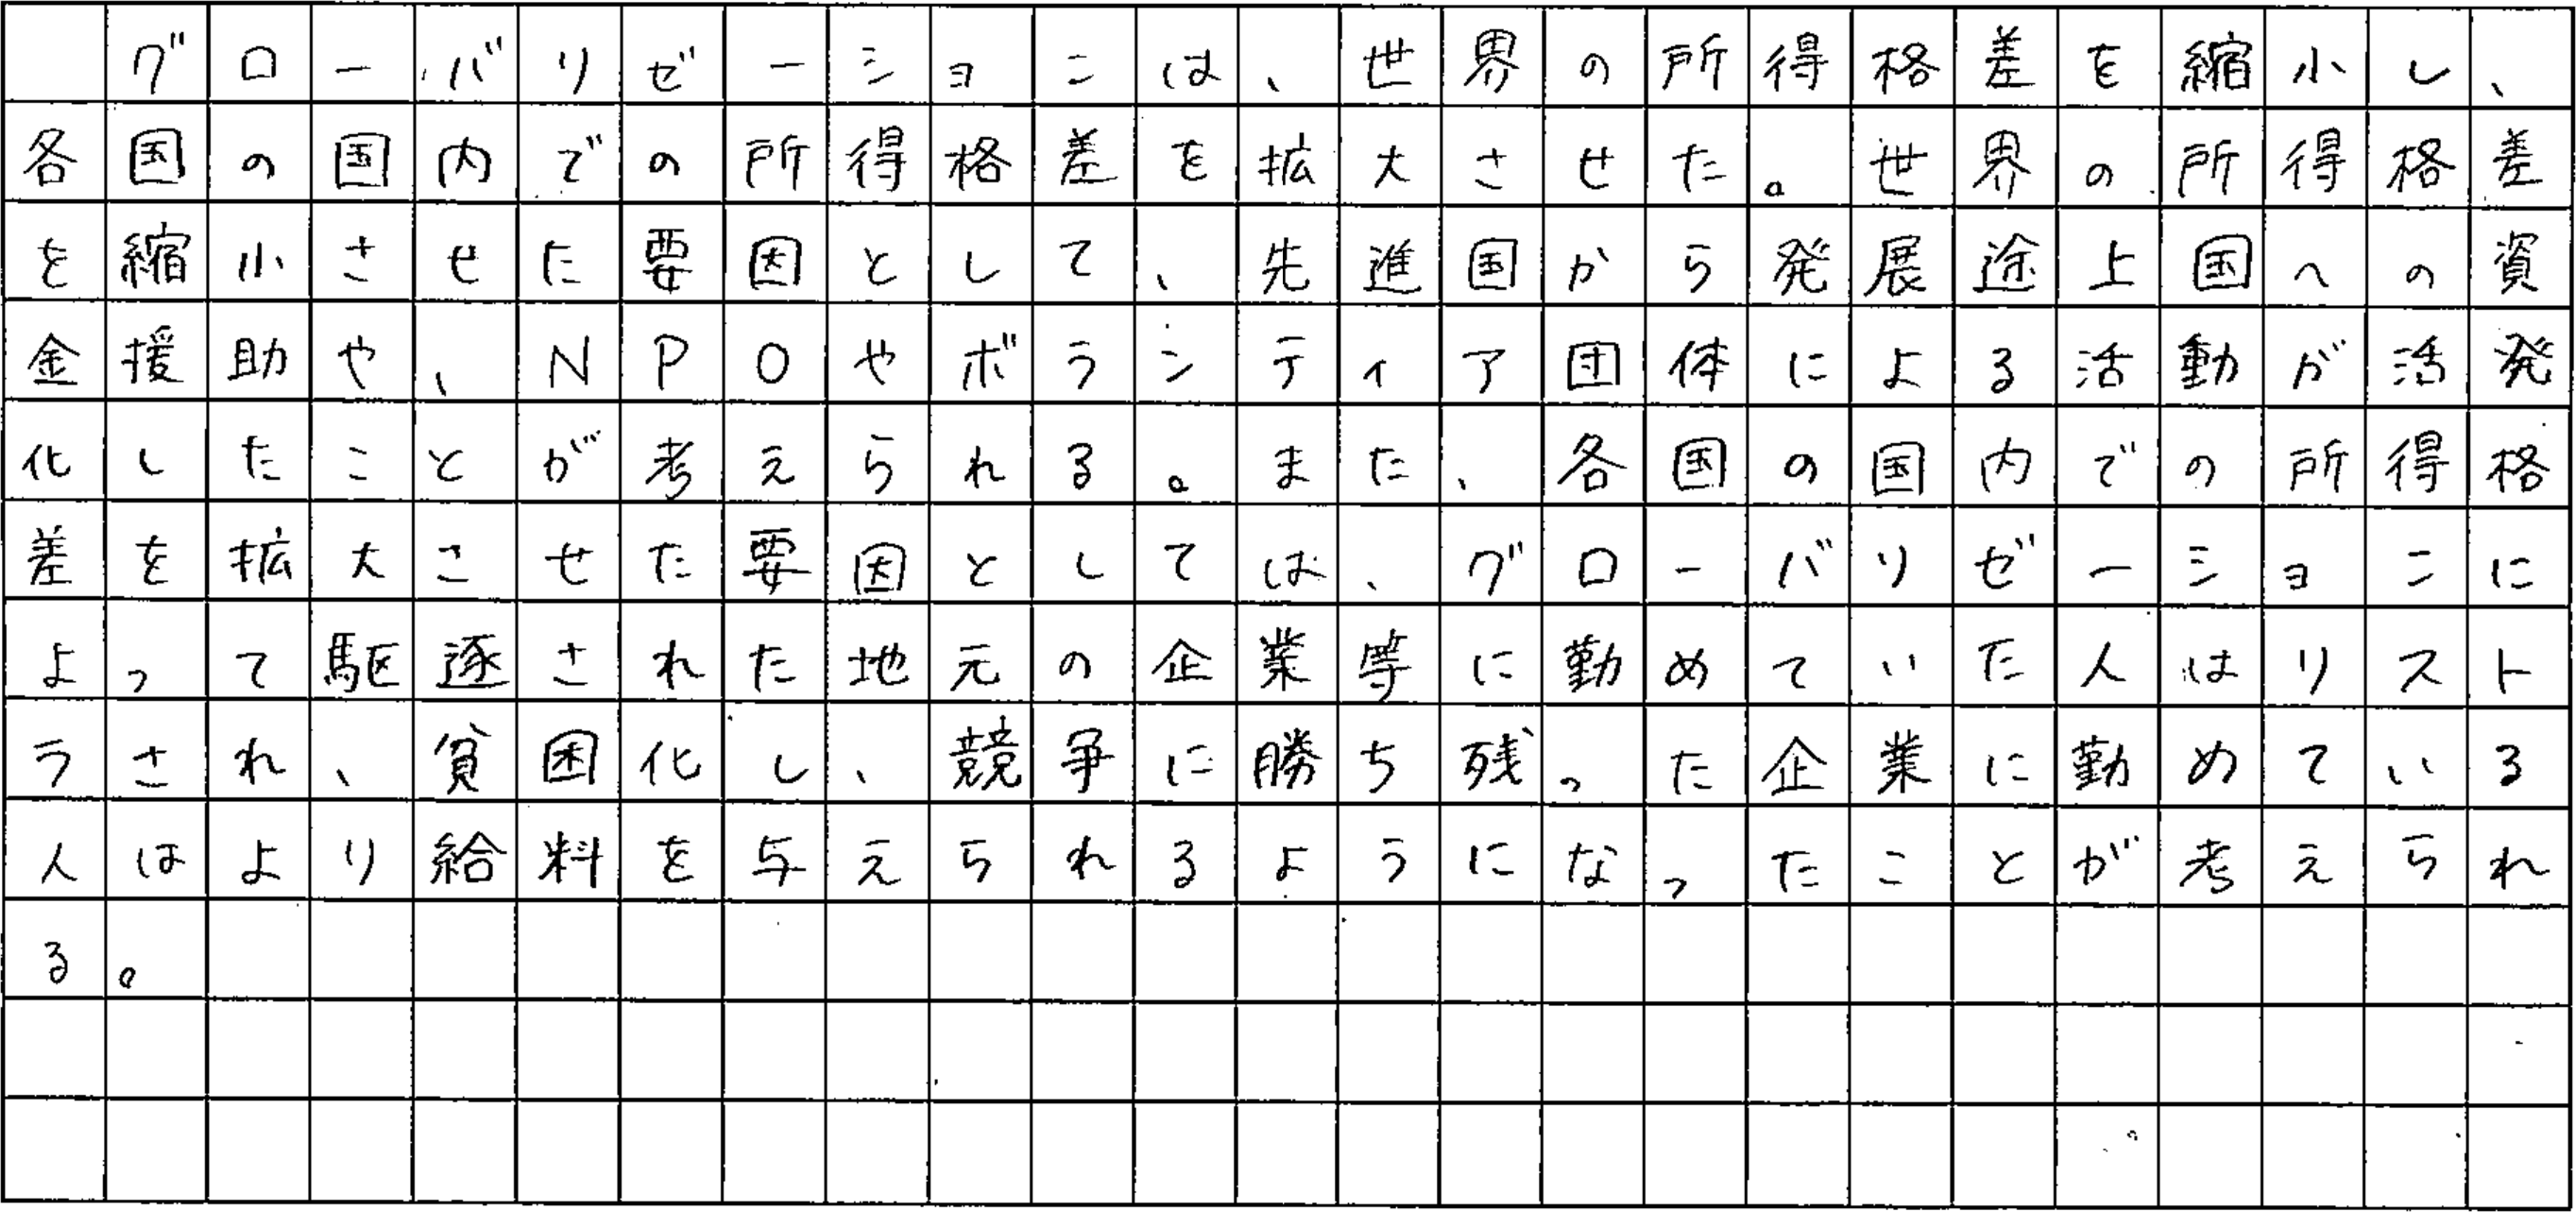　グローバリゼーションは、世界の所得格差を縮小し、各国の国内での所得格差を拡大させた。世界の所得格差を縮小させた要因として、先進国から発展途上国への資金援助や、NPOやボランティア団体による活動が活発化したことが考えられる。また、各国の国内での所得格差を拡大させた要因としては、グローバリゼーションによって駆逐された地元の企業等に勤めていた人はリストラされ、貧困化し、競争に勝ち残った企業に勤めている人はより給料を与えられるようになったことが考えられる。
